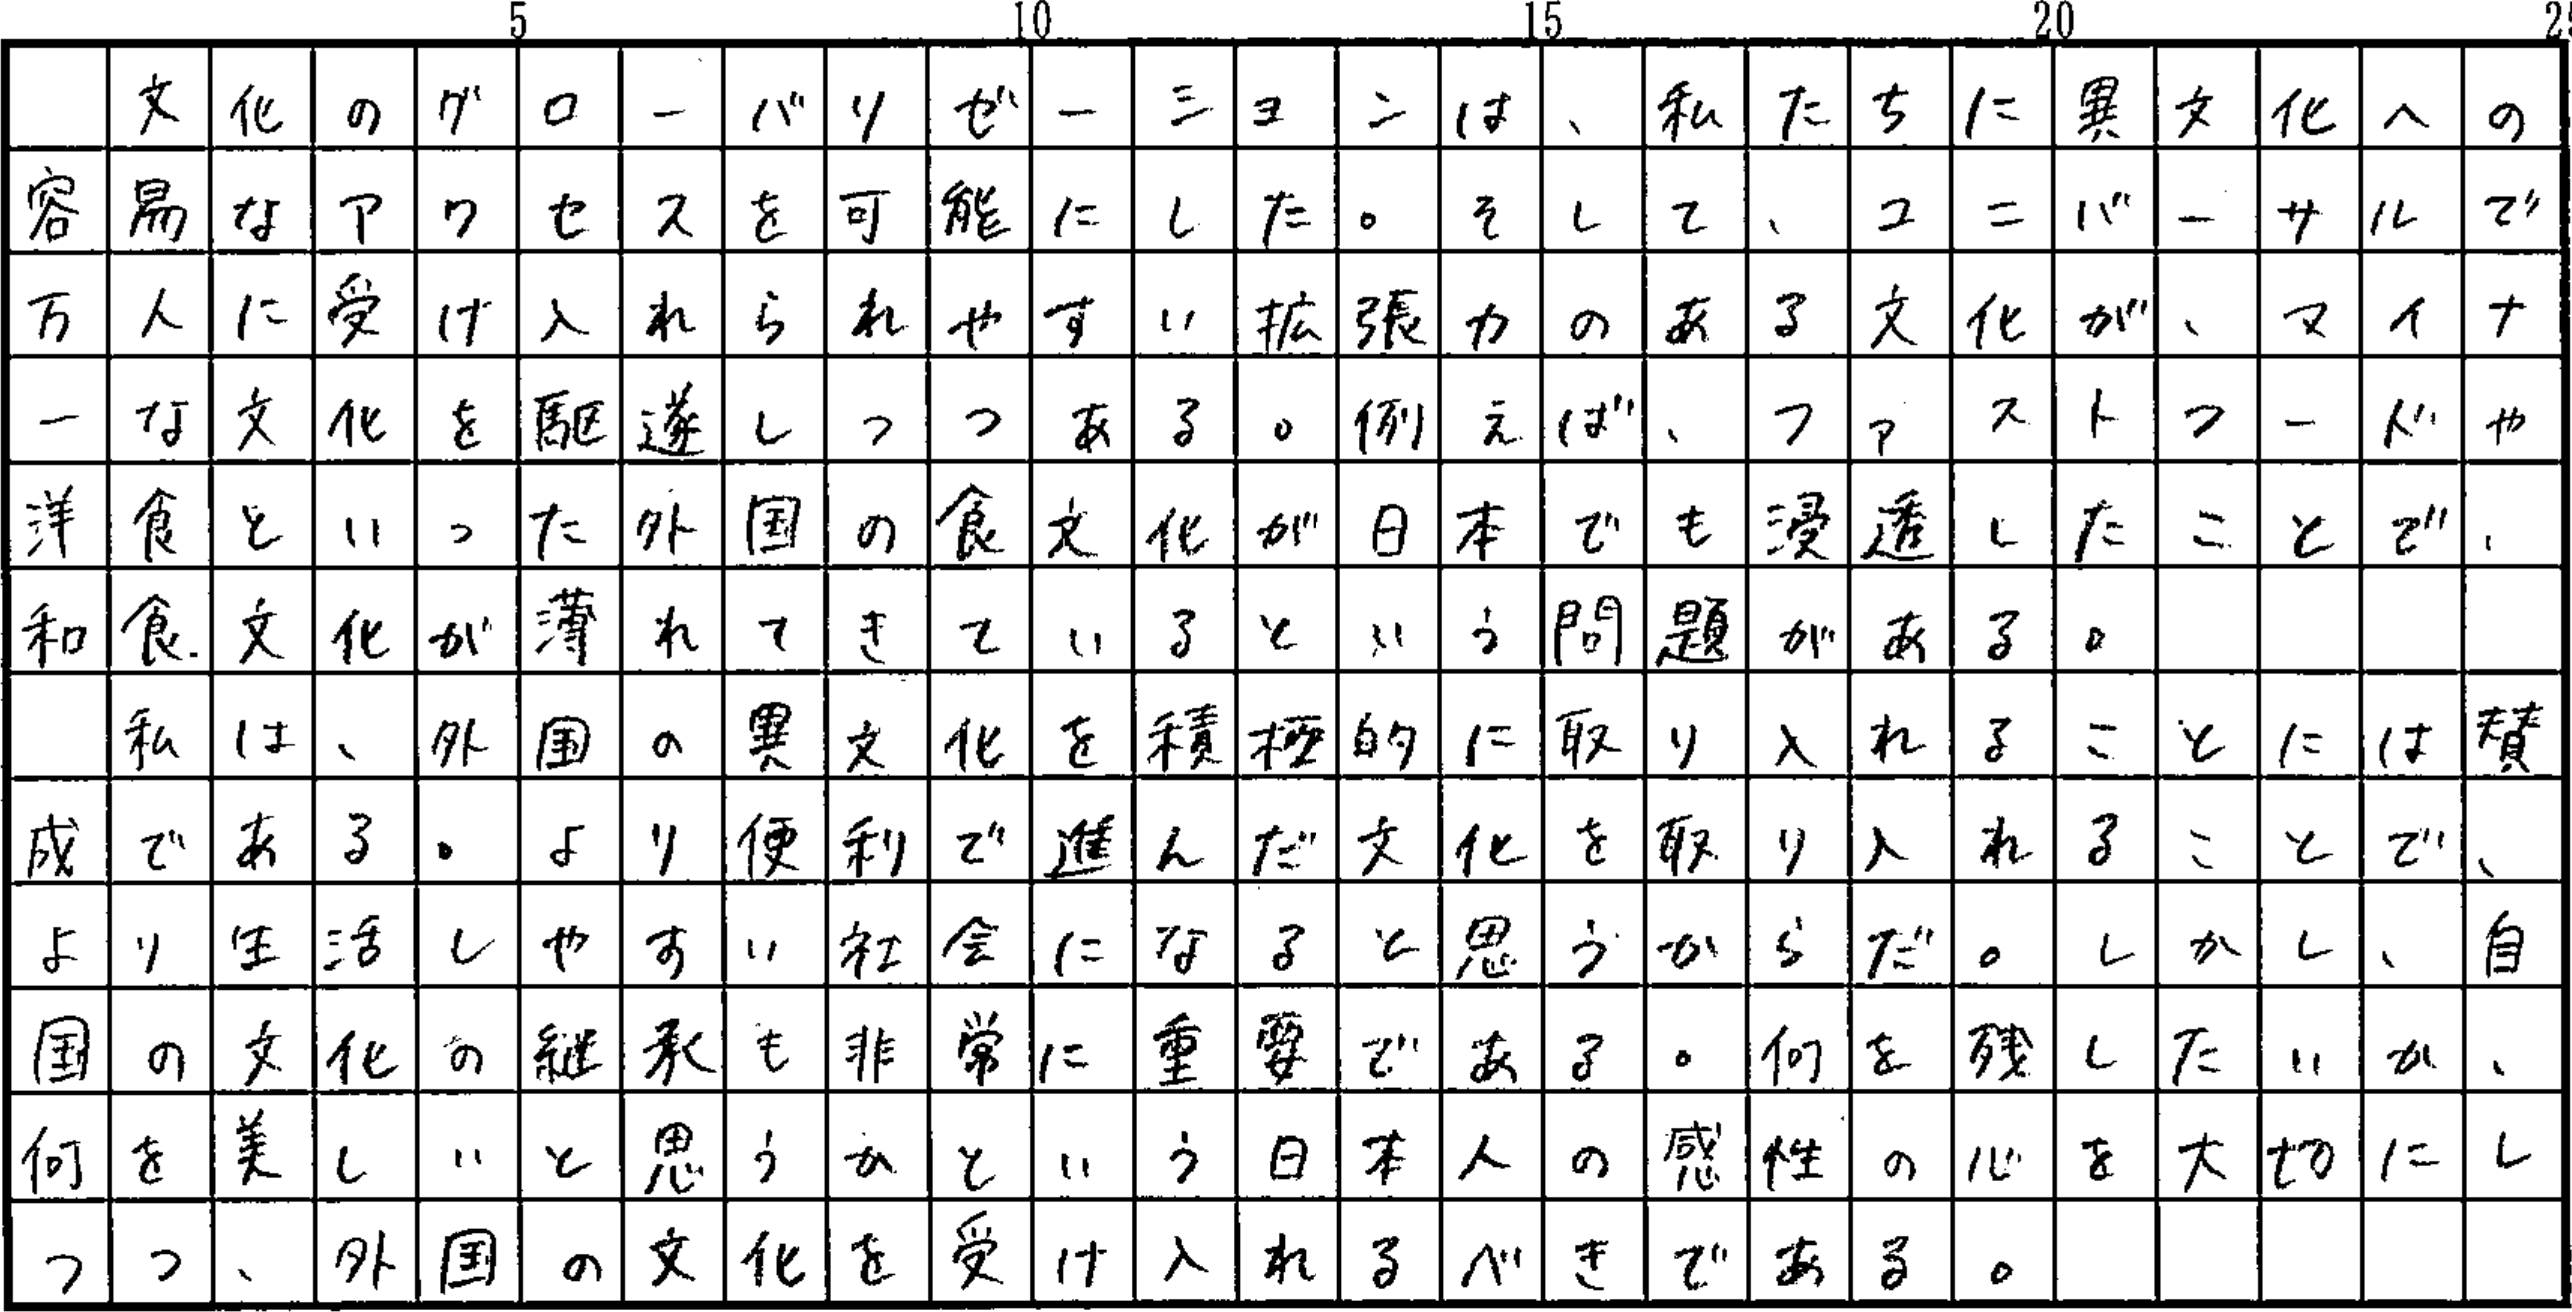　文化のグローバリゼーションは、私たちに異文化への容易なアクセスを可能にした。そして、ユニバーサルで万人に受け入れられやすい拡張力のある文化がマイナーな文化を駆遂しつつある。例えば、ファストフードや洋食といった外国の食文化が日本でも浸透したことで、和食文化が薄れてきているという問題がある。
　私は、外国の異文化を積極的に取り入れることには賛成である。より便利で進んだ文化を取り入れることで、より生活しやすい社会になると思うからだ。しかし、自国の文化の継承も非常に重要である。何を残したいか、何を美しいと思うかという日本人の感性の心を大切にしつつ、外国の文化を受け入れるべきである。
